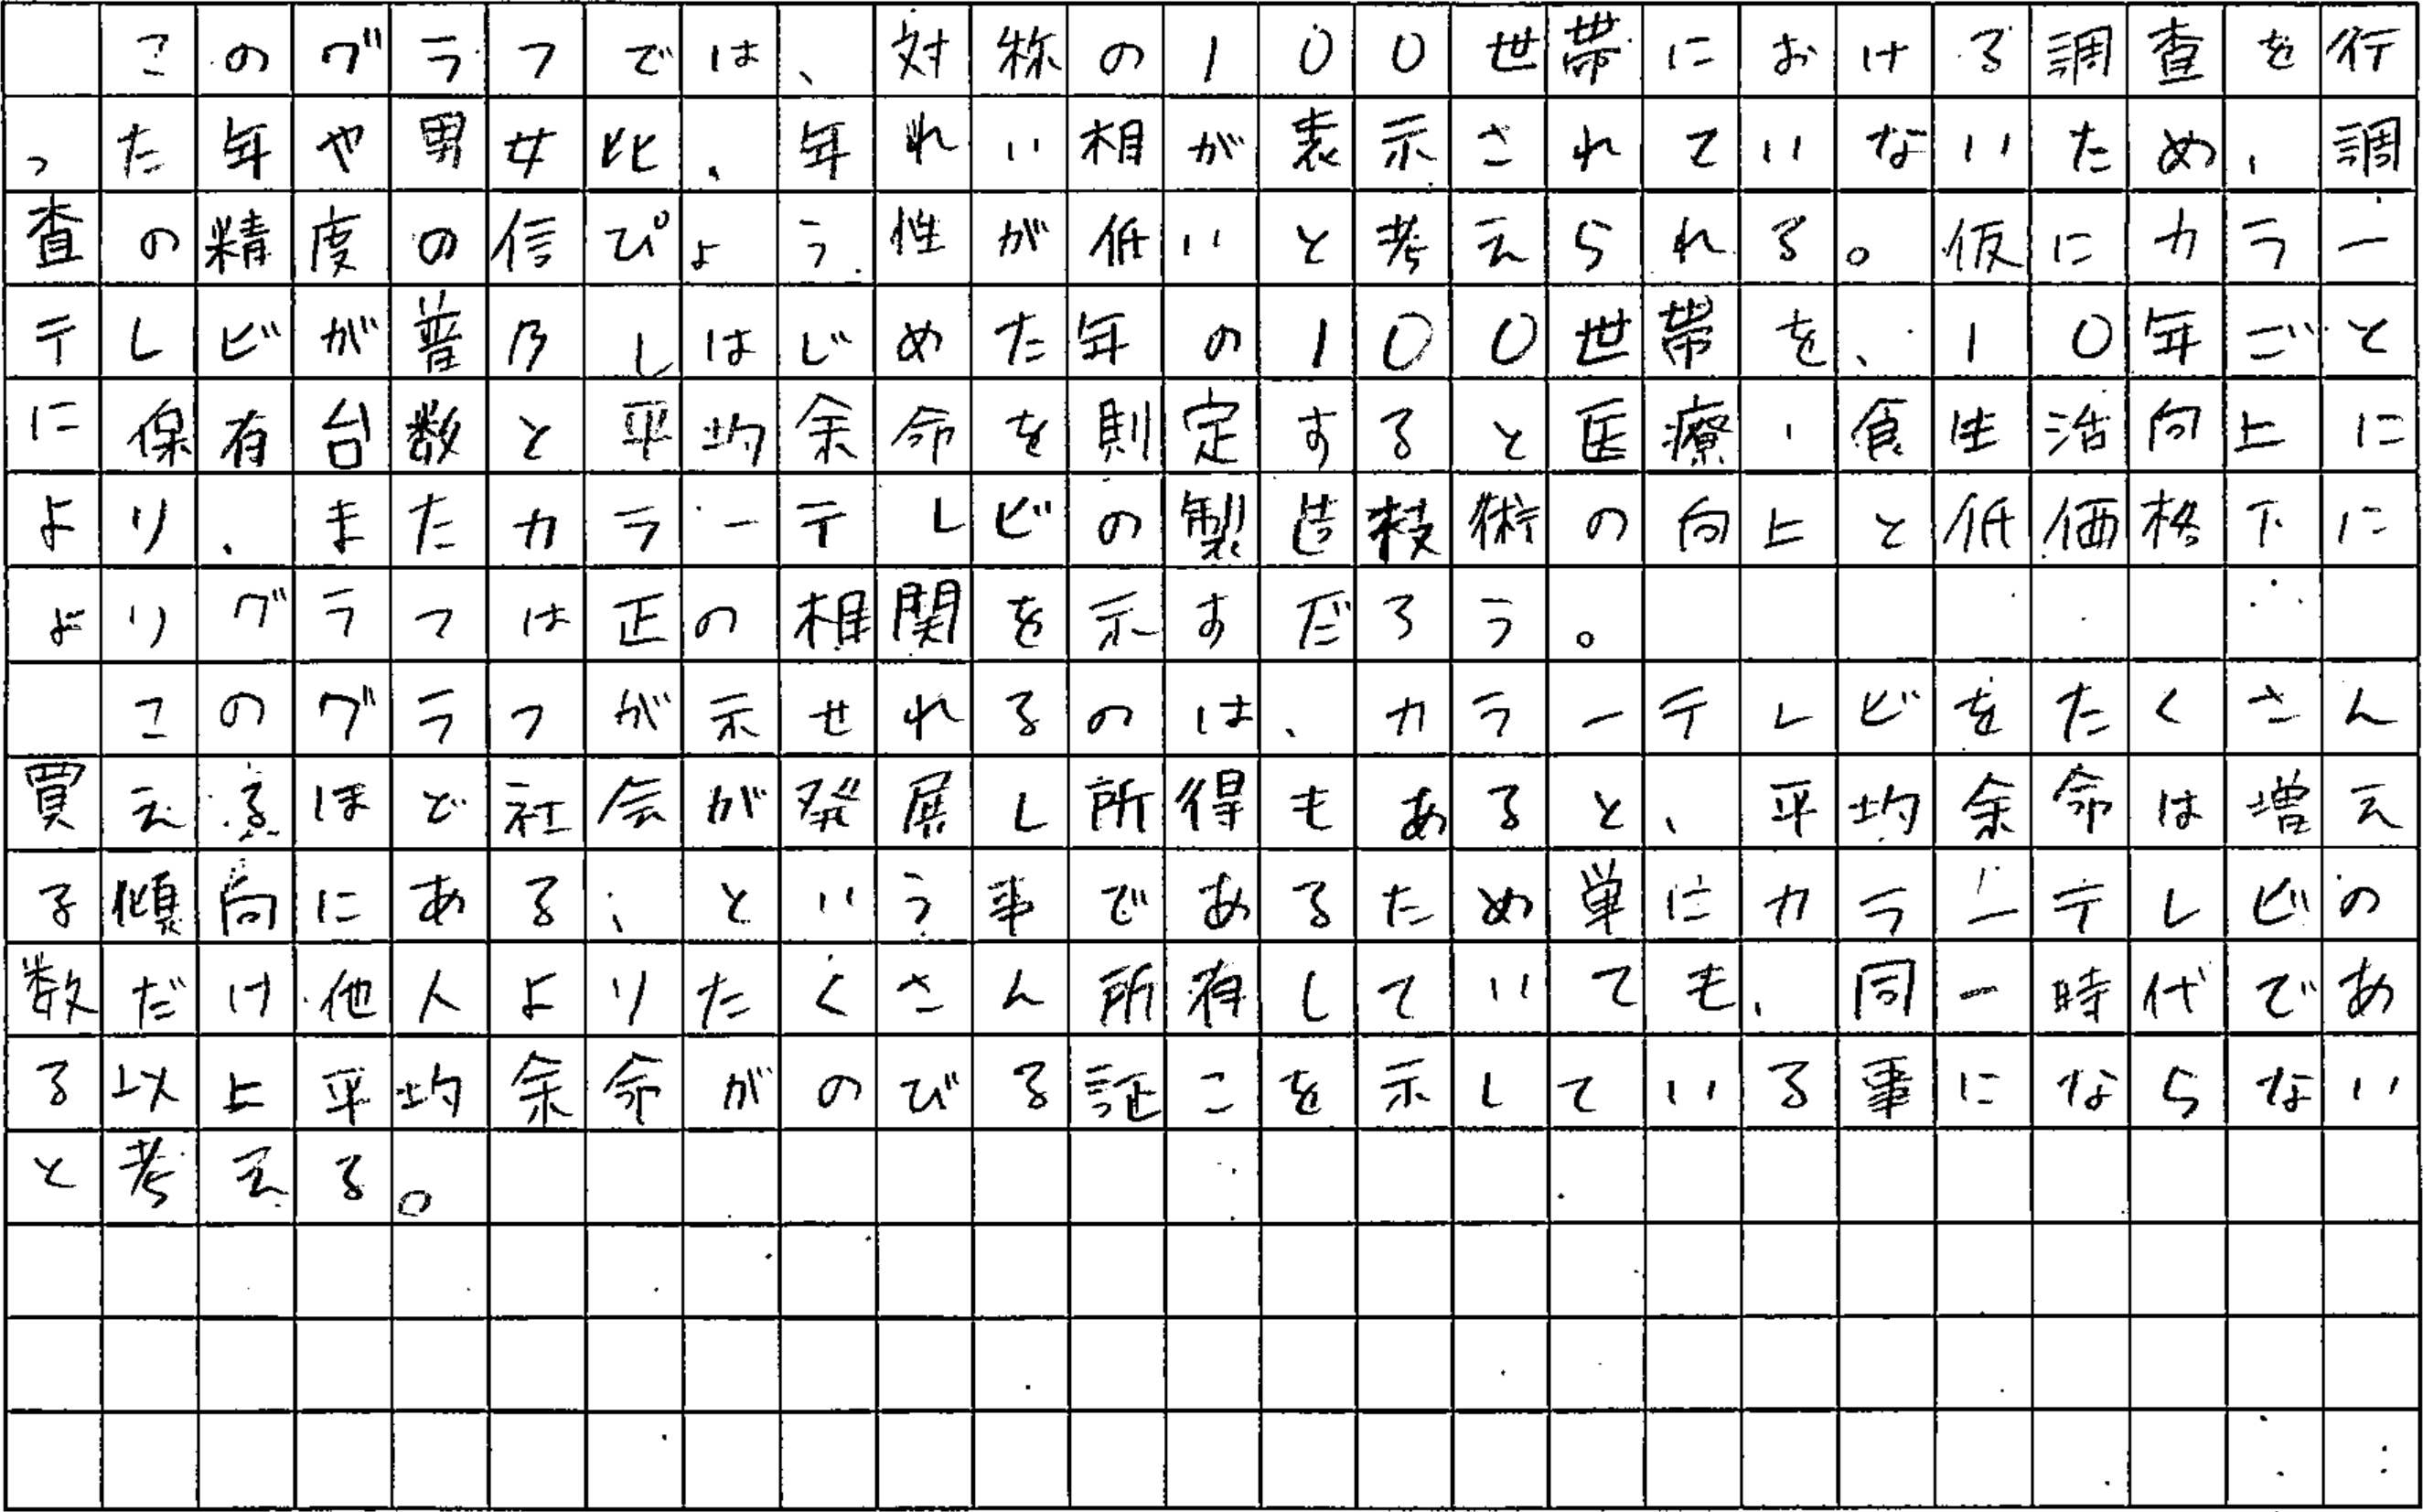　このグラフでは、対称の１００世帯において調査を行った年や男女比、年れい相が表示されていないため、調査の精度の信ぴょう性が低いと考えられる。仮にカラーテレビが普乃しはじめた年の１００世帯を、１０年ごとに保有台数と平均余命を則定すると医療・食生活向上により、またカラーテレビの製造技術の向上と低価格下によりグラフは正の相関を示すだろう。
　このグラフが示せれるのは、カラーテレビをたくさん買えるほど社会が発展し所得もあると、平▁余命は増える傾向にある、という事であるため単にカラーテレビの数だけ他人よりたくさん所有していても、同一時代である以上平▁余命がのびる証こを示している事にならないと考える。
